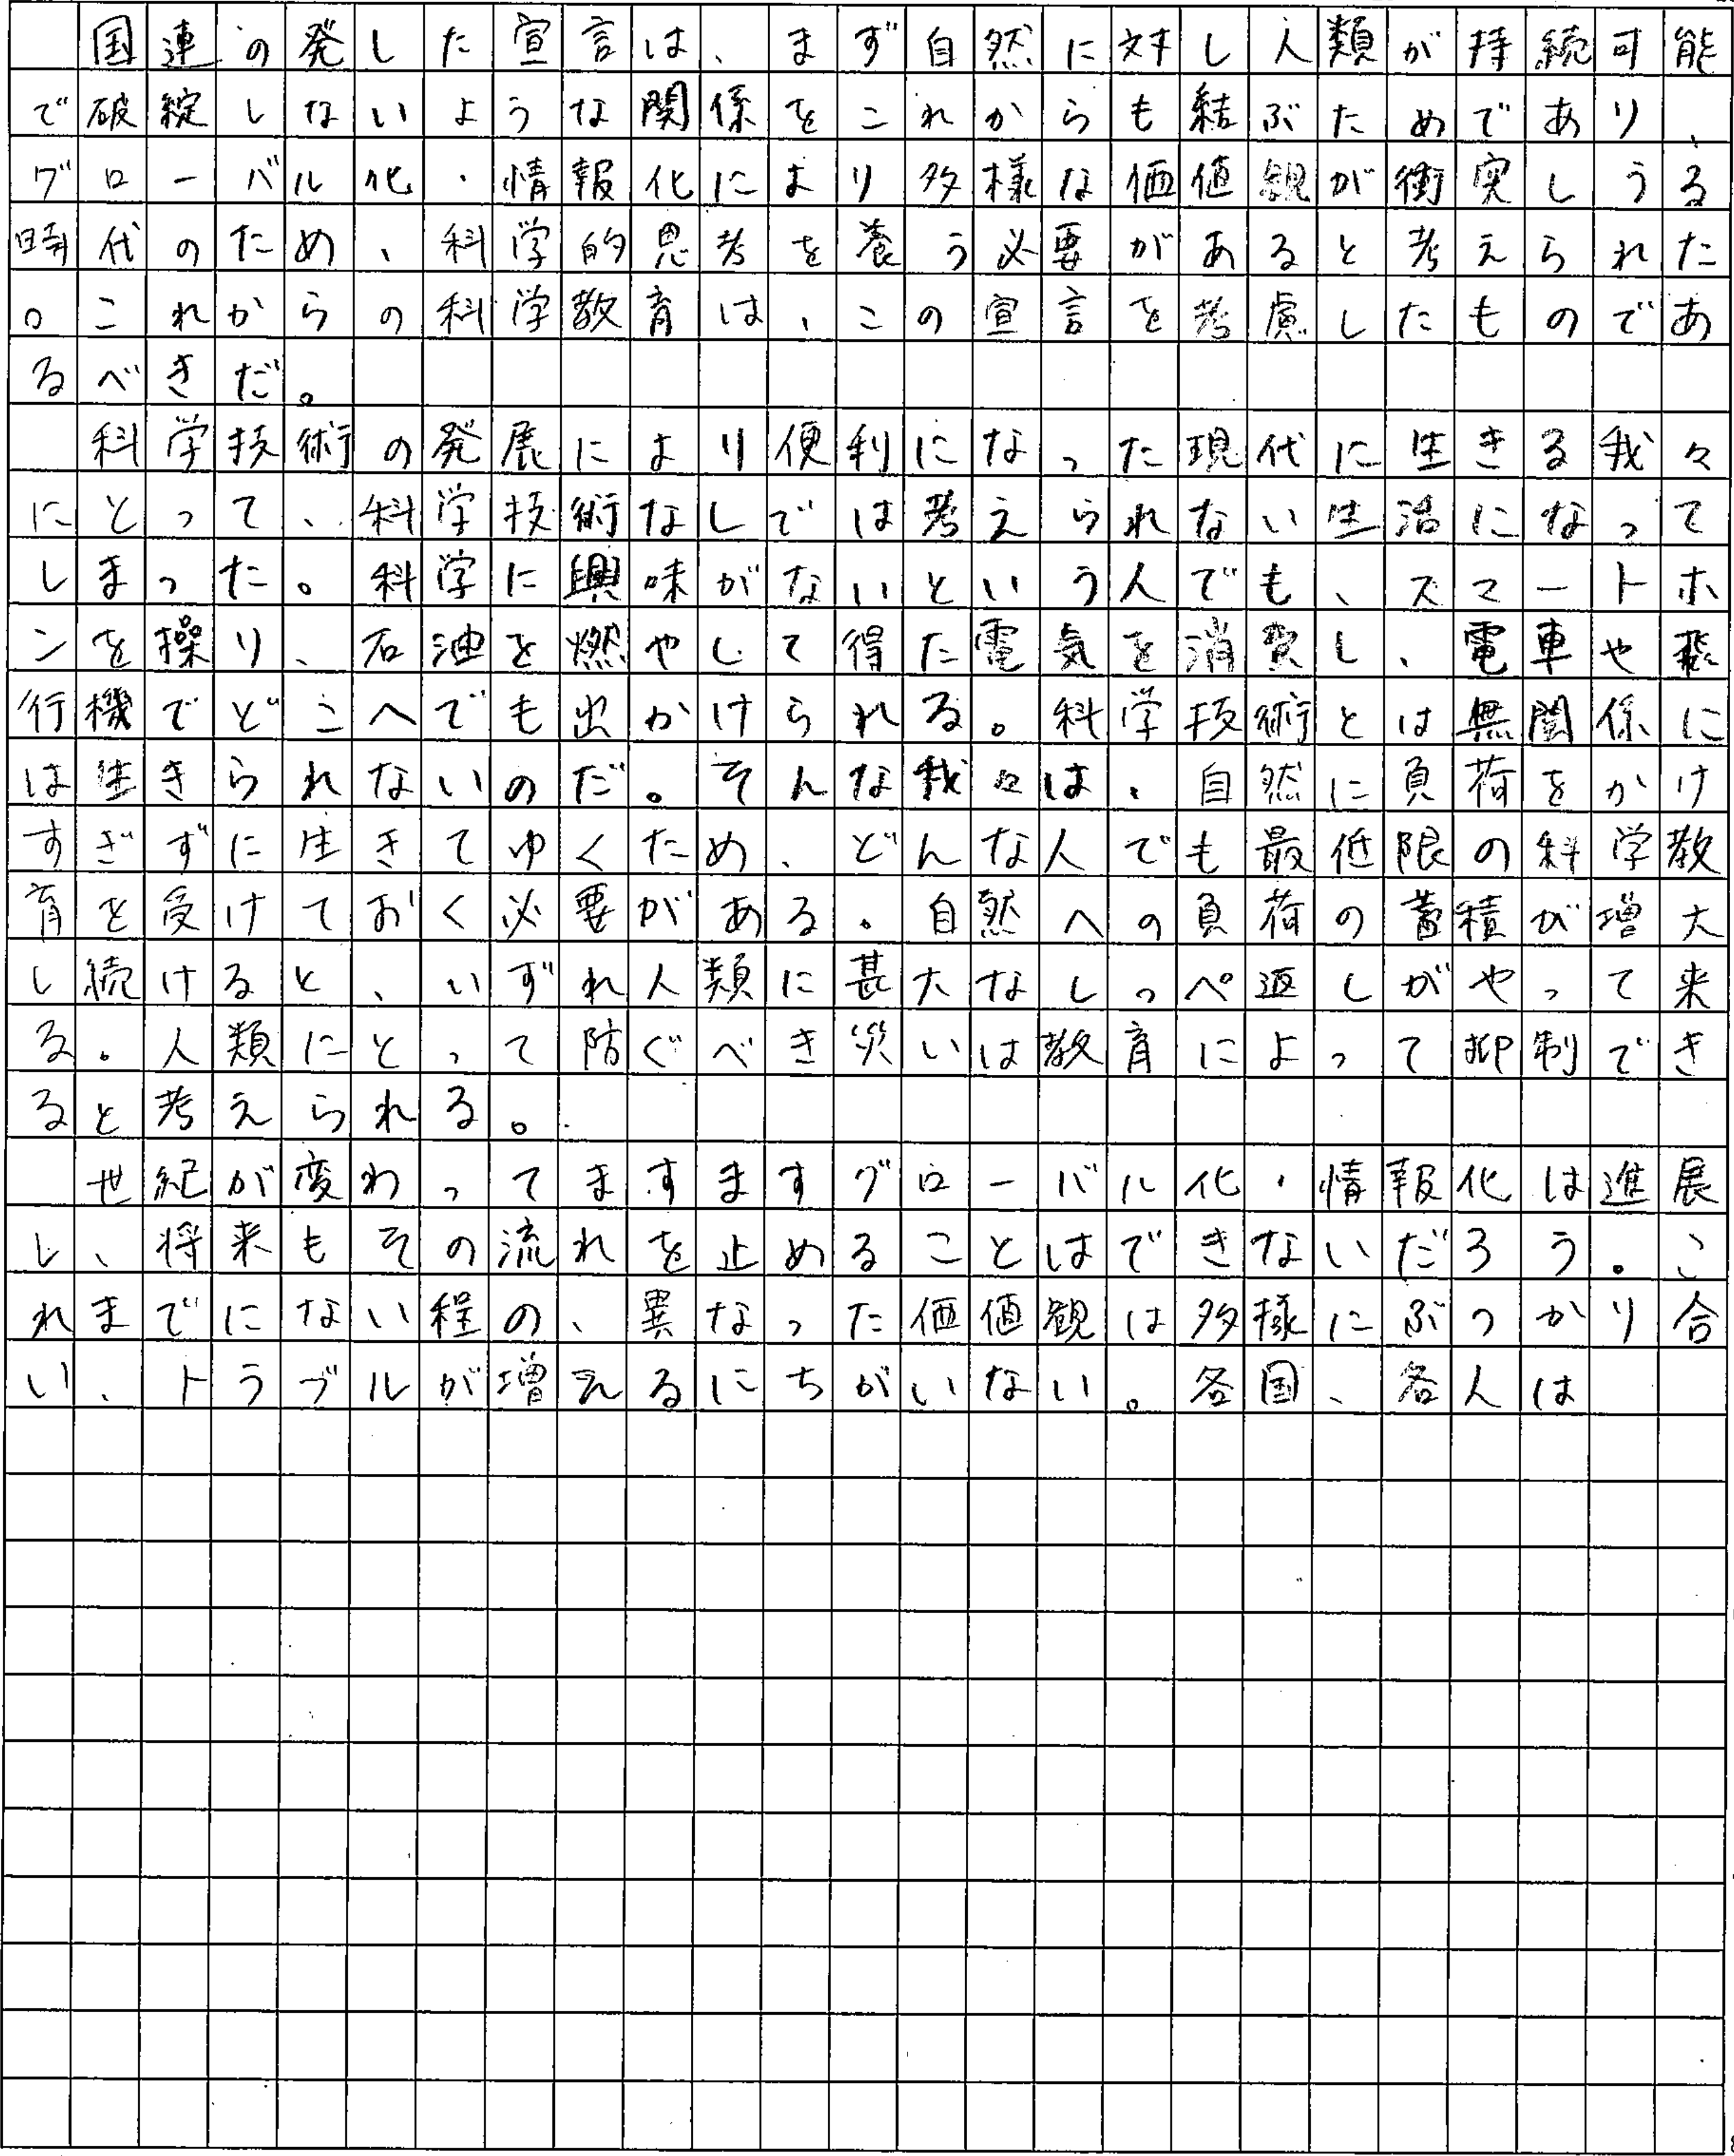　国連の発した宣言は、まず自然に対し人類が持続可能で破綻しないような関係をこれからも結ぶためであり、グローバル化・情報化により多様な価値観が衝突しうる時代のため、科学的思考を養う必要があると考えられた。これからの科学的教育は、この宣言を考慮したものであるべきだ。
　科学技術の発展により便利になった現代に生きる我々にとって、科学技術なしでは考えられない生活になってしまった。科学に興味がないという人でも、スマートホンを操り、石油を燃やして得た電気を消費し、電車や飛行機でどこへでも出かけられる。科学技術とは無関係には生きられないのだ。そんな我々は、自然に負荷をかけすぎずに生きてゆくため、どんな人でも最低限の科学教育を受けておく必要がある。自然への負荷の蓄積が増大し続けると、いずれ人類に甚大なしっぺ返しがやって来る。人類にとって防ぐべき災いは教育によって抑制できると考えられる。
　世紀が変わってますますグローバル化・情報化は進展し、将来もその流れを止めることはできないだろう。これまでにない程の、異なった価値観は多様にぶつかり合い、トラブルが増えるにちがいない。各国、各人は
